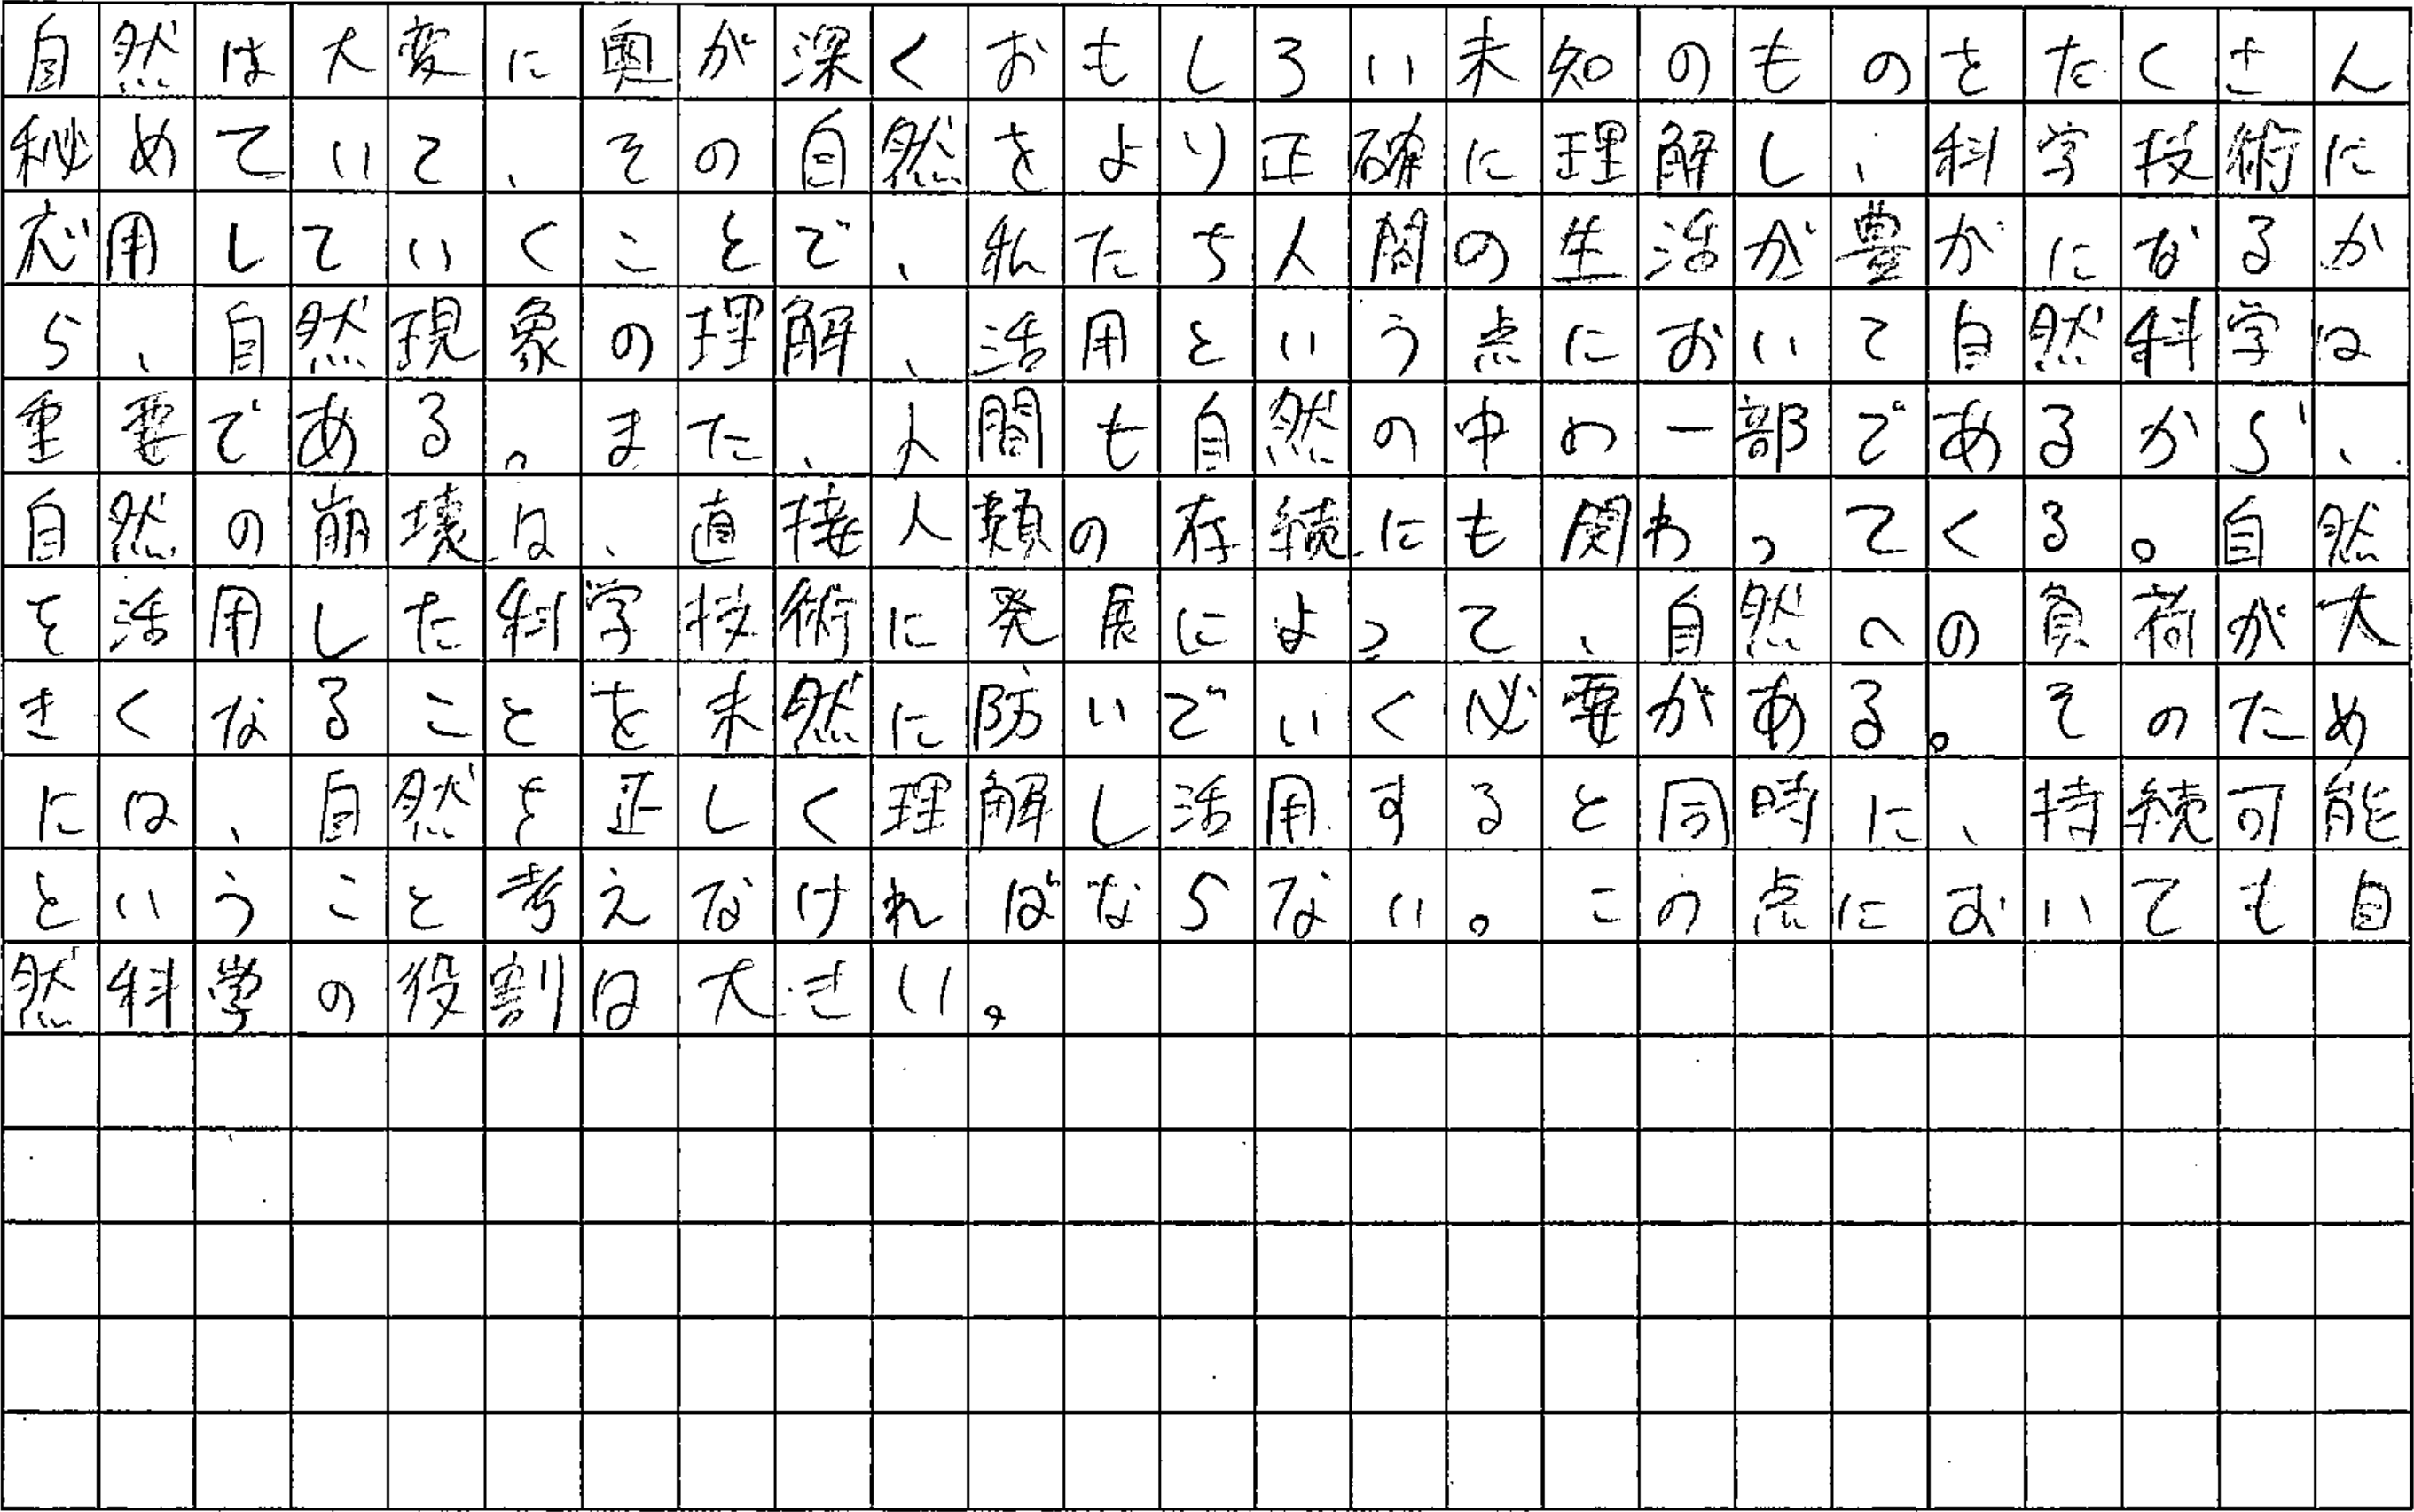自然は大変に奥が深くおもしろい未知のものをたくさん秘めていて、その自然をより正確に理解し、科学技術に応用していくことで、私たち人間の生活が豊かになるから、自然現象の理解、活用という点において自然科学は重要である。また、人間も自然の中の一部であるから、自然の崩壊は、直接人類の存続にも関わってくる。自然を活用した科学技術に発展によって、自然への負荷が大きくなることを未然に防いでいく必要がある。そのためには、自然を正しく理解し活用すると同時に、持続可能ということ考えなければならない。この点においても自然科学の役割は大きい。
